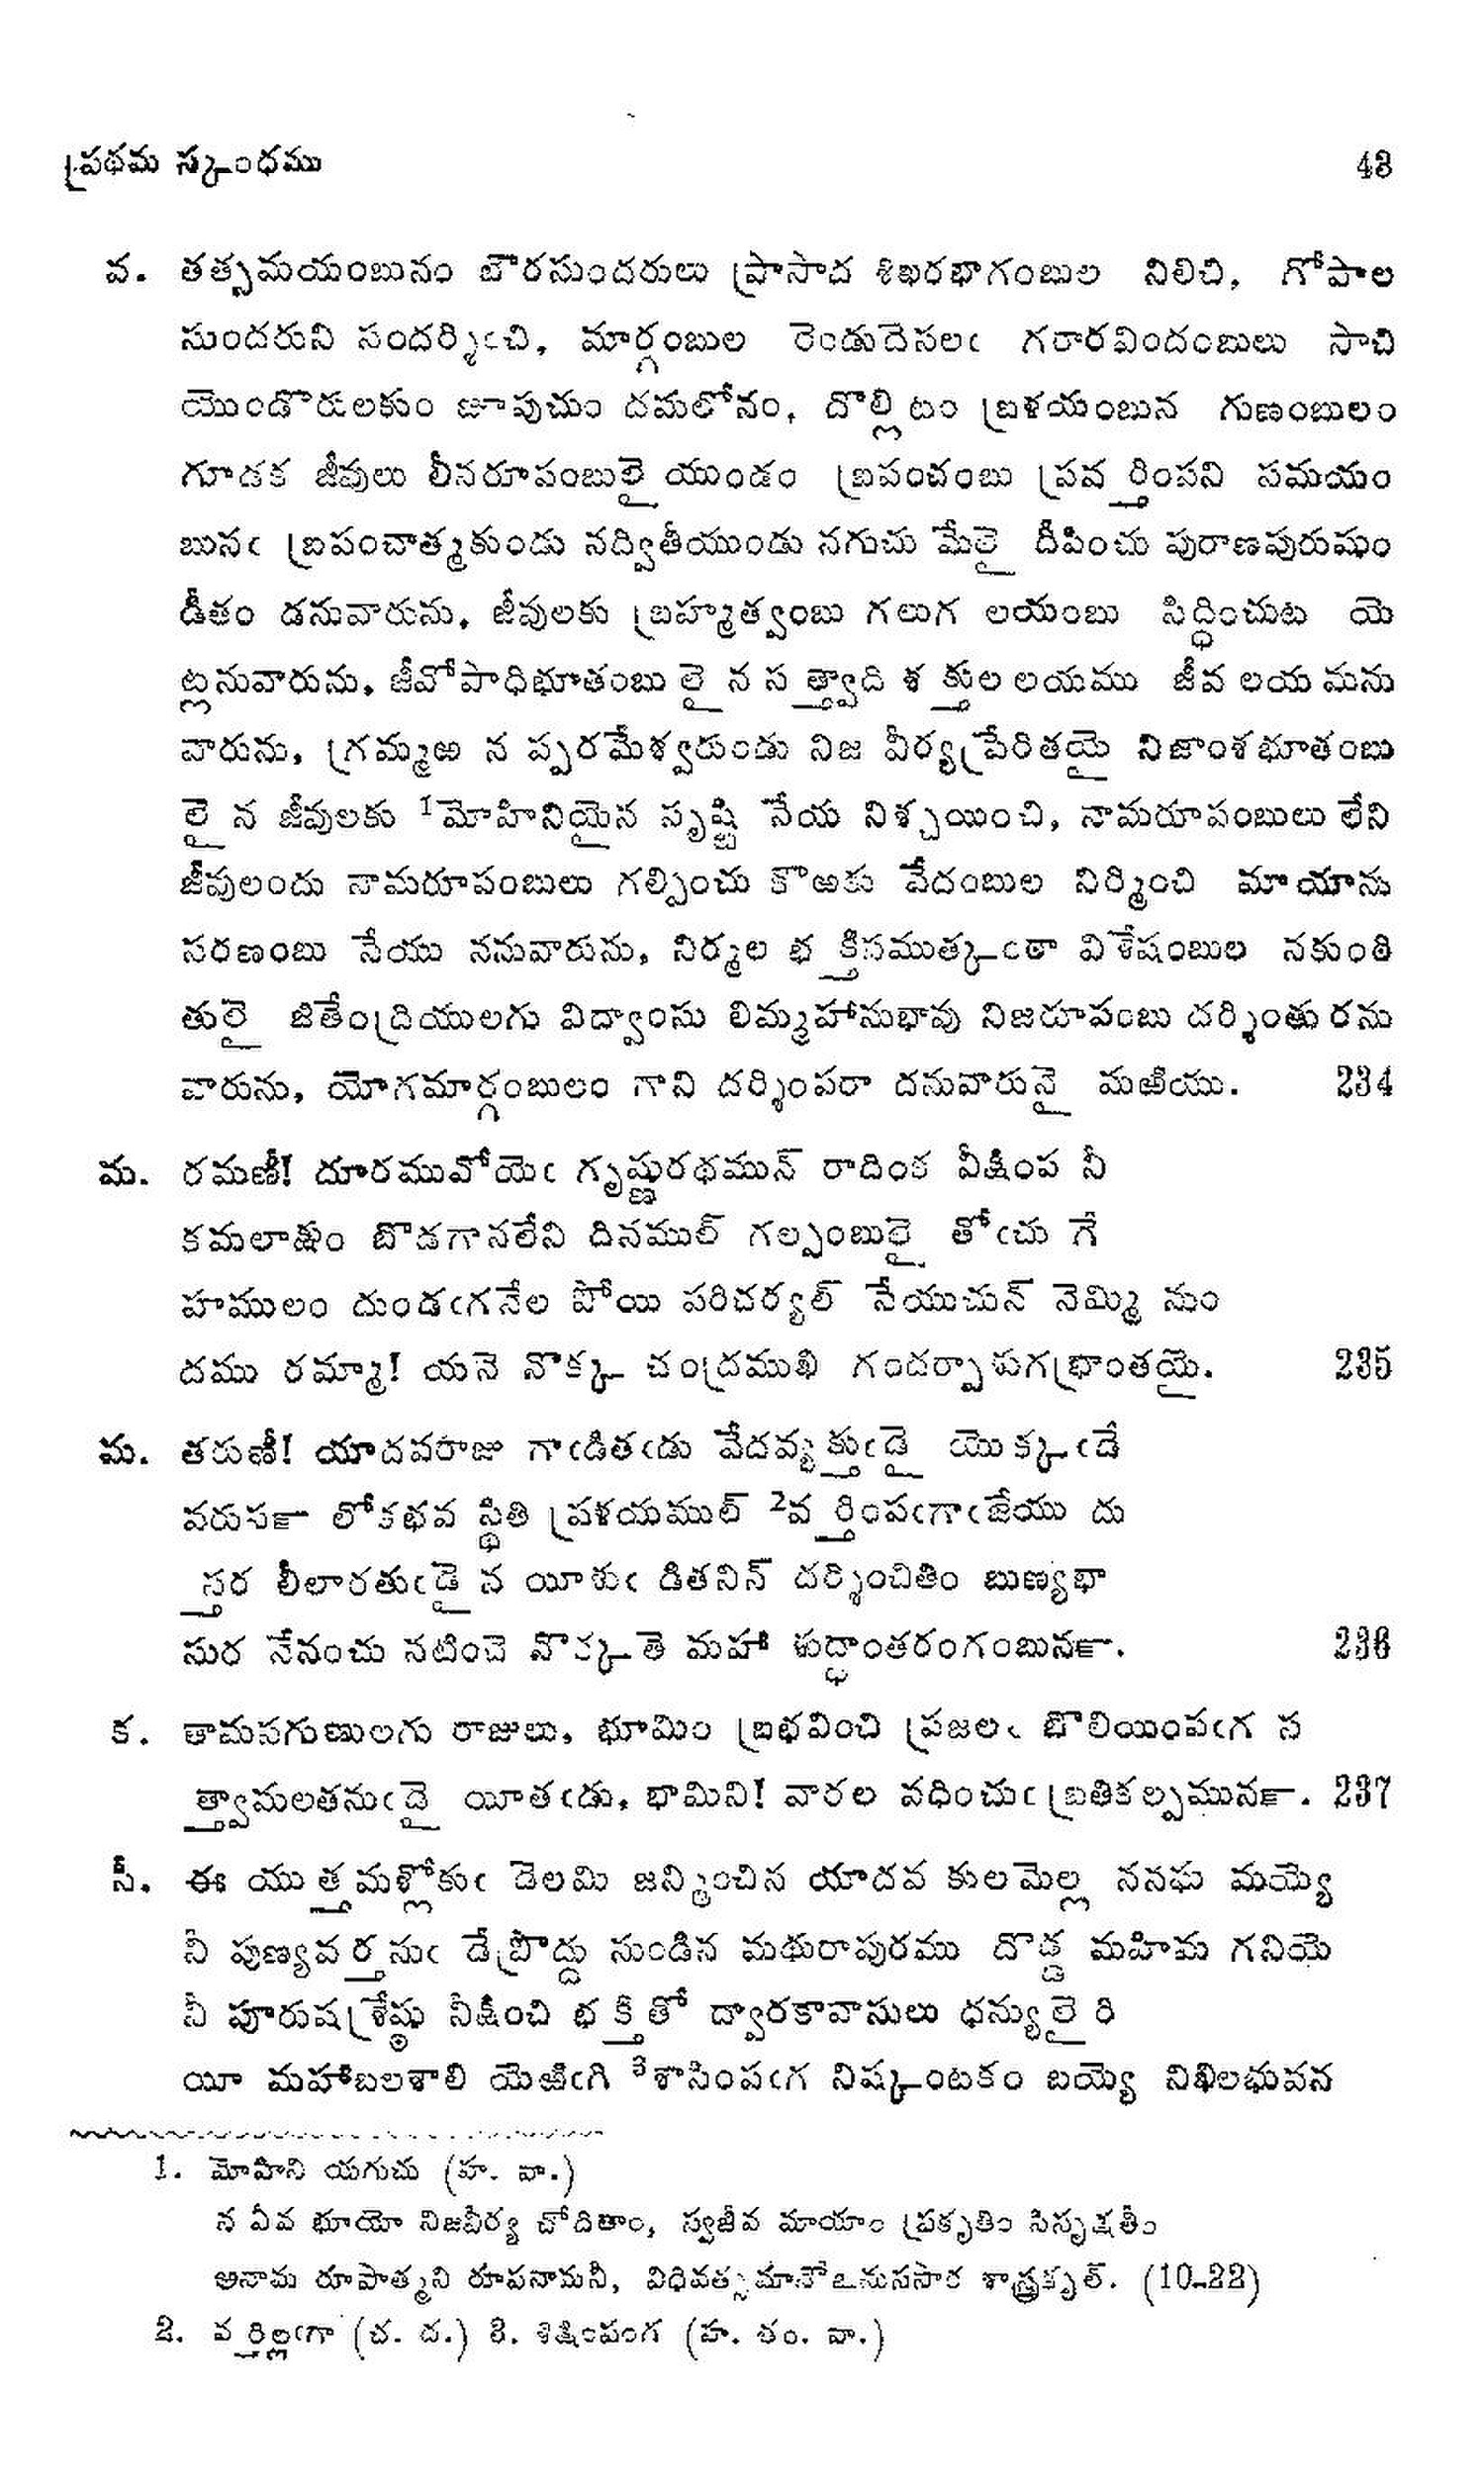43

వ. తత్సమయంబునం బౌరసుందరులు ప్రాసాద శిఖరభాగంబుల నిలిచి గోపాలసుందరుని సందర్శించి మార్గంబుల రెండు దెసలఁ గరారవిందంబులు సాచి యొండొరులకుం జూపుచుం దమలోనం, "దొల్లిటం బ్రళయంబున గుణంబులం గూడక జీవులు లీనరూపంబులై యుండం బ్రపంచంబు ప్రవర్తింపని సమయంబునఁ బ్రపంచాత్మకుండు నద్వితీయుండు నగుచు మేలై దీపించు పురాణపురుషుం డీతం"డనువారును, "జీవులకు బ్రహ్మత్వంబు గలుగ లయంబు సిద్ధించుట యె"ట్లనువారును, "జీవనోపాధిభూతంబులైన సత్త్వాది శక్తుల లయంబు జీవలయం"బనువారును, "గ్రమ్మఱ నప్పరమేశ్వరుండు నిజవీర్య ప్రేరితయై నిజాంశ భూతంబులైన జీవులకు మోహినియైన సృష్టి సేయ నిశ్చయించి నామరూపంబులు లేని జీవులందు నామరూపంబులు గల్పించు కొఱకు వేదంబుల నిర్మించి మాయానుసరణంబు సేయు"ననువారును "నిర్మల భక్తి సముత్కంఠా విశేషంబుల నకుంఠితులై జితేంద్రియులగు విద్వాంసు లిమ్మహాభావు నిజరూపంబు దర్శింతు"రనువారును, "యోగమార్గంబులం గాని దర్శింపరా"దనువారు నై. (1-234)

మ. రమణీ ! దూరము వోయెఁ గృష్ణు రథమున్ రాదింక వీక్షింప ; నీ

కమలాక్షుం బొడఁగానలేని దినముల్ కల్పంబులై తోఁచు ; గే

హములం దుండఁగ నేల ? పోయి పరిచర్యల్ సేయుచున్ నెమ్మి నుం

దము రమ్మా ! యనె నొక్క చంద్రముఖి కందర్పాశుగ భ్రాంతయై. (1-235)

మ. తరుణీ ! యాదవరాజు కాఁ డితఁడు ; వేదవ్యక్తుఁడై యొక్కఁడే 

వరుసన్ లోక భవస్థితి ప్రళయముల్ వర్తింపఁగాఁజేయు దు

స్తర లీలారతుఁడైన యీశుఁ ; డితనిన్ దర్శించితిన్ బుణ్య భా

సుర నేనంచు నటించె నొక్కతె మహాశుద్ధాంతరంగంబునన్. (1-236)

కం. తామస గుణులగు రాజులు, భూమిం బ్రభవించి ప్రజలఁ బొలియింపఁగ స

త్త్వామల తనుఁడై యీతఁడు, భామిని ! వారల వధించుఁ బ్రతికల్పమునన్. (1-237)

సీ. ఈ యుత్తమ శ్లోకుఁ డెలమి జన్మించిన, యాదవ కులమెల్ల ననఘమయ్యె

నీ పుణ్య వర్తనుం డే ప్రొద్దు నుండిన, మథురాపురము దొడ్డ మహిమ గనియె

నీ పురుషశ్రేష్ఠు నీక్షించి భక్తితో, ద్వారకావాసులు ధన్యులైరి

యీ మహాబలశాలి యెఱిఁగి శాసింపఁగా, నిష్కంటకంబయ్యె నిఖిల భువన